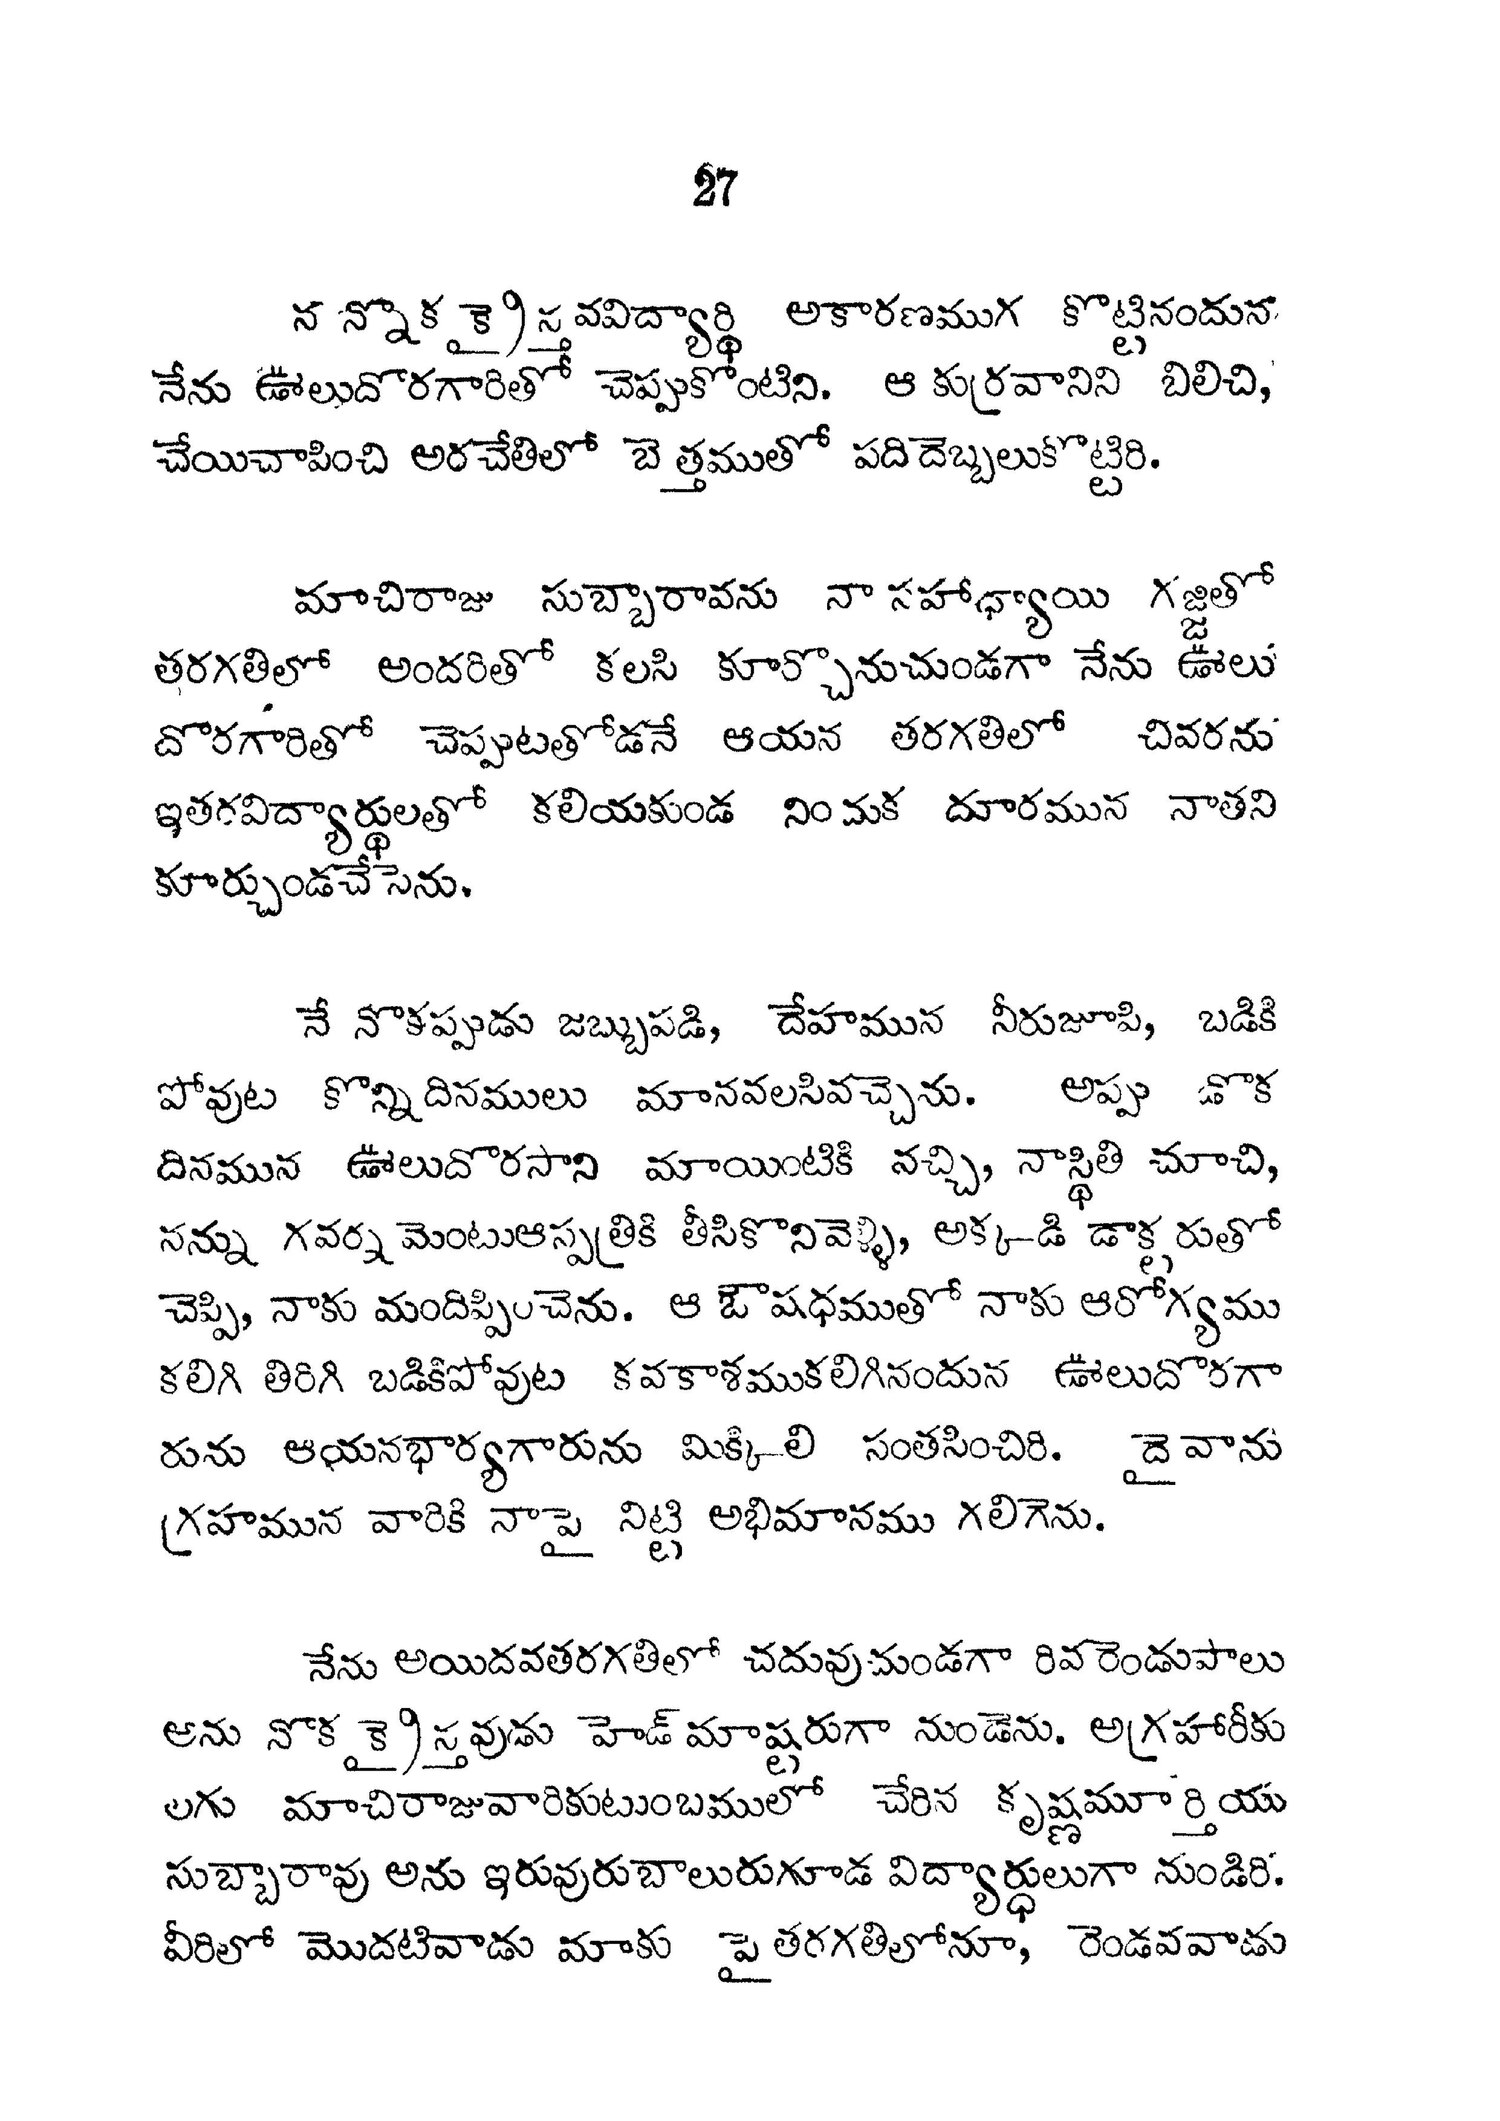నన్నొకక్రైస్తవవిద్యార్థి అకారణముగ కొట్టినందున నేను ఊలుదొరగారితో చెప్పుకొంటిని. ఆ కుర్రవానిని బిలిచి, చేయిచాపించి అరచేతిలో బెత్తముతో పదిదెబ్బలుకొట్టిరి.

మాచిరాజు సుబ్బారావను నా సహాధ్యాయి గజ్జితో తరగతిలో అందరితో కలసి కూర్చొనుచుండగా నేను ఊలుదొరగారితో చెప్పుటతోడనే ఆయన తరగతిలో చివరను ఇతరవిద్యార్థులతో కలియకుండ నిందుక దూరమున నాతని కూర్చుండచేసెను.

నే నొకప్పుడు జబ్బుపడి, దేహమున నీరుజూపి, బడికి పోవుట కొన్నిదినములు మానవలసివచ్చెను. అప్పు డొక దినమున ఊలుదొరసాని మాయింటికి వచ్చి, నాస్థితి చూచి, నన్ను గవర్నమెంటుఆస్పత్రికి తీసికొనివెళ్ళి, అక్కడి డాక్టరుతో చెప్పి, నాకు మందిప్పించెను. ఆ ఔషధముతో నాకు ఆరోగ్యము కలిగి తిరిగి బడికిపోవుట కవకాశముకలిగినందున ఊలుదొరగారును ఆయనభార్యగారును మిక్కిలి సంతసించిరి. దైవానుగ్రహమున వారికి నాపై నిట్టి అభిమానము గలిగెను.

నేను అయిదవతరగతిలో చదువుచుండగా రివరెండుపాలు అను నొకక్రైస్తవుడు హెడ్‌మాష్టరుగా నుండెను. అగ్రహారీకులగు మాచిరాజువారికుటుంబములో చేరిన కృష్ణమూర్తియు సుబ్బారావు అను ఇరువురుబాలురుగూడ విద్యార్థులుగా నుండిరి. వీరిలో మొదటివాడు మాకు పైతరగతిలోనూ, రెండవవాడు